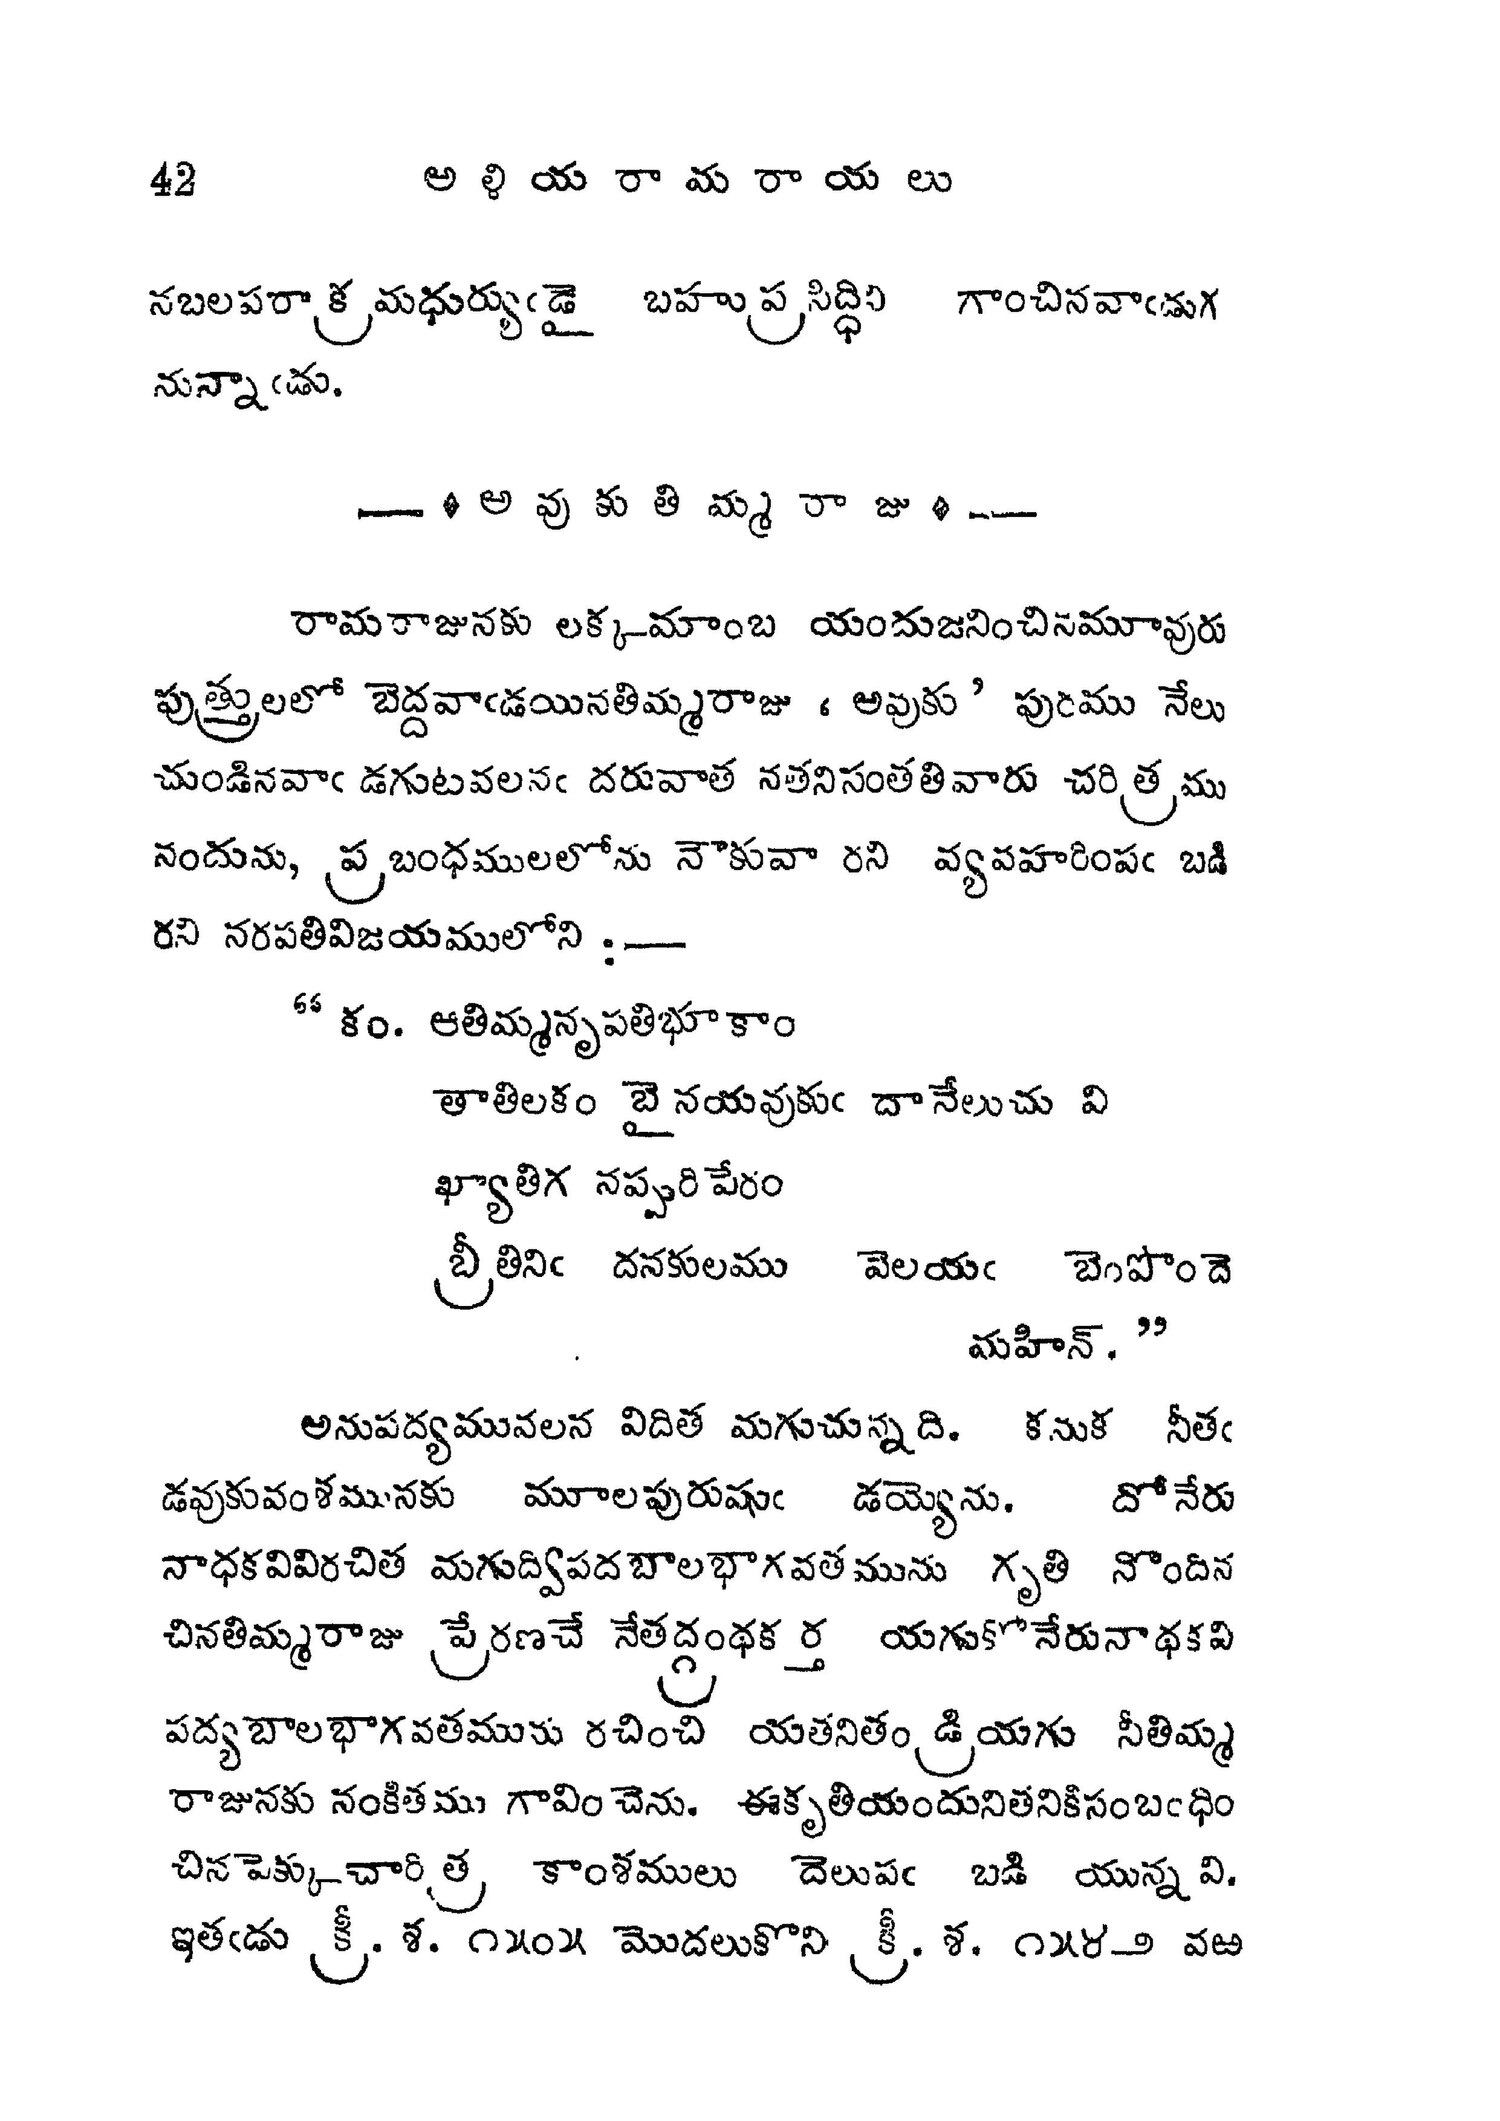నబలపరాక్రమధుర్యుడై బహుప్రసిద్ధిని గాంచినవాడుగ నున్నాడు.

రామరాజునకు లక్కమాంబ యందుజనించినమూవురు పుత్రులలో బెద్దవాడయినతిమ్మరాజు 'అవుకు' పురము నేలు చుండినవా డగుటవలన దరువాత నతనిసంతతివారు చరిత్రము నందును, ప్రబంధములలోను నౌకువా రని వ్యవహరింప బడిరని నరపతివిజయములోని:-

 "కం. ఆతిమ్మనృపతిభూకాం
 తాతిలకం బైనయవుకు దానేలుచు వి
 ఖ్యాతిగ నప్పురిపేరం
 బ్రీతిని దనకులము వెలయ బెంపొందె మహిన్."

అనుపద్యమువలన విదిత మగుచున్నది. కనుక నీత డవుకువంశమునకు మూలపురుషు డయ్యెను. దోనేరు నాధకవివిరచిత మగుద్విపదబాలభాగవతమును గృతి నొందిన చినతిమ్మరాజు ప్రేరణచే నేతద్గ్రంథకర్త యగుకోనేరునాథకవి పద్యబాలభాగవతమును రచించి యతనితండ్రియగు నీతిమ్మరాజునకు నంకితము గావించెను. ఈకృతియందునితనికిసంబంధించిన పెక్కుచారిత్ర కాంశములు దెలుప బడి యున్నవి. ఇతడు క్రీ. శ. 1505 మొదలుకొని క్రీ. శ. 1542 వఱ